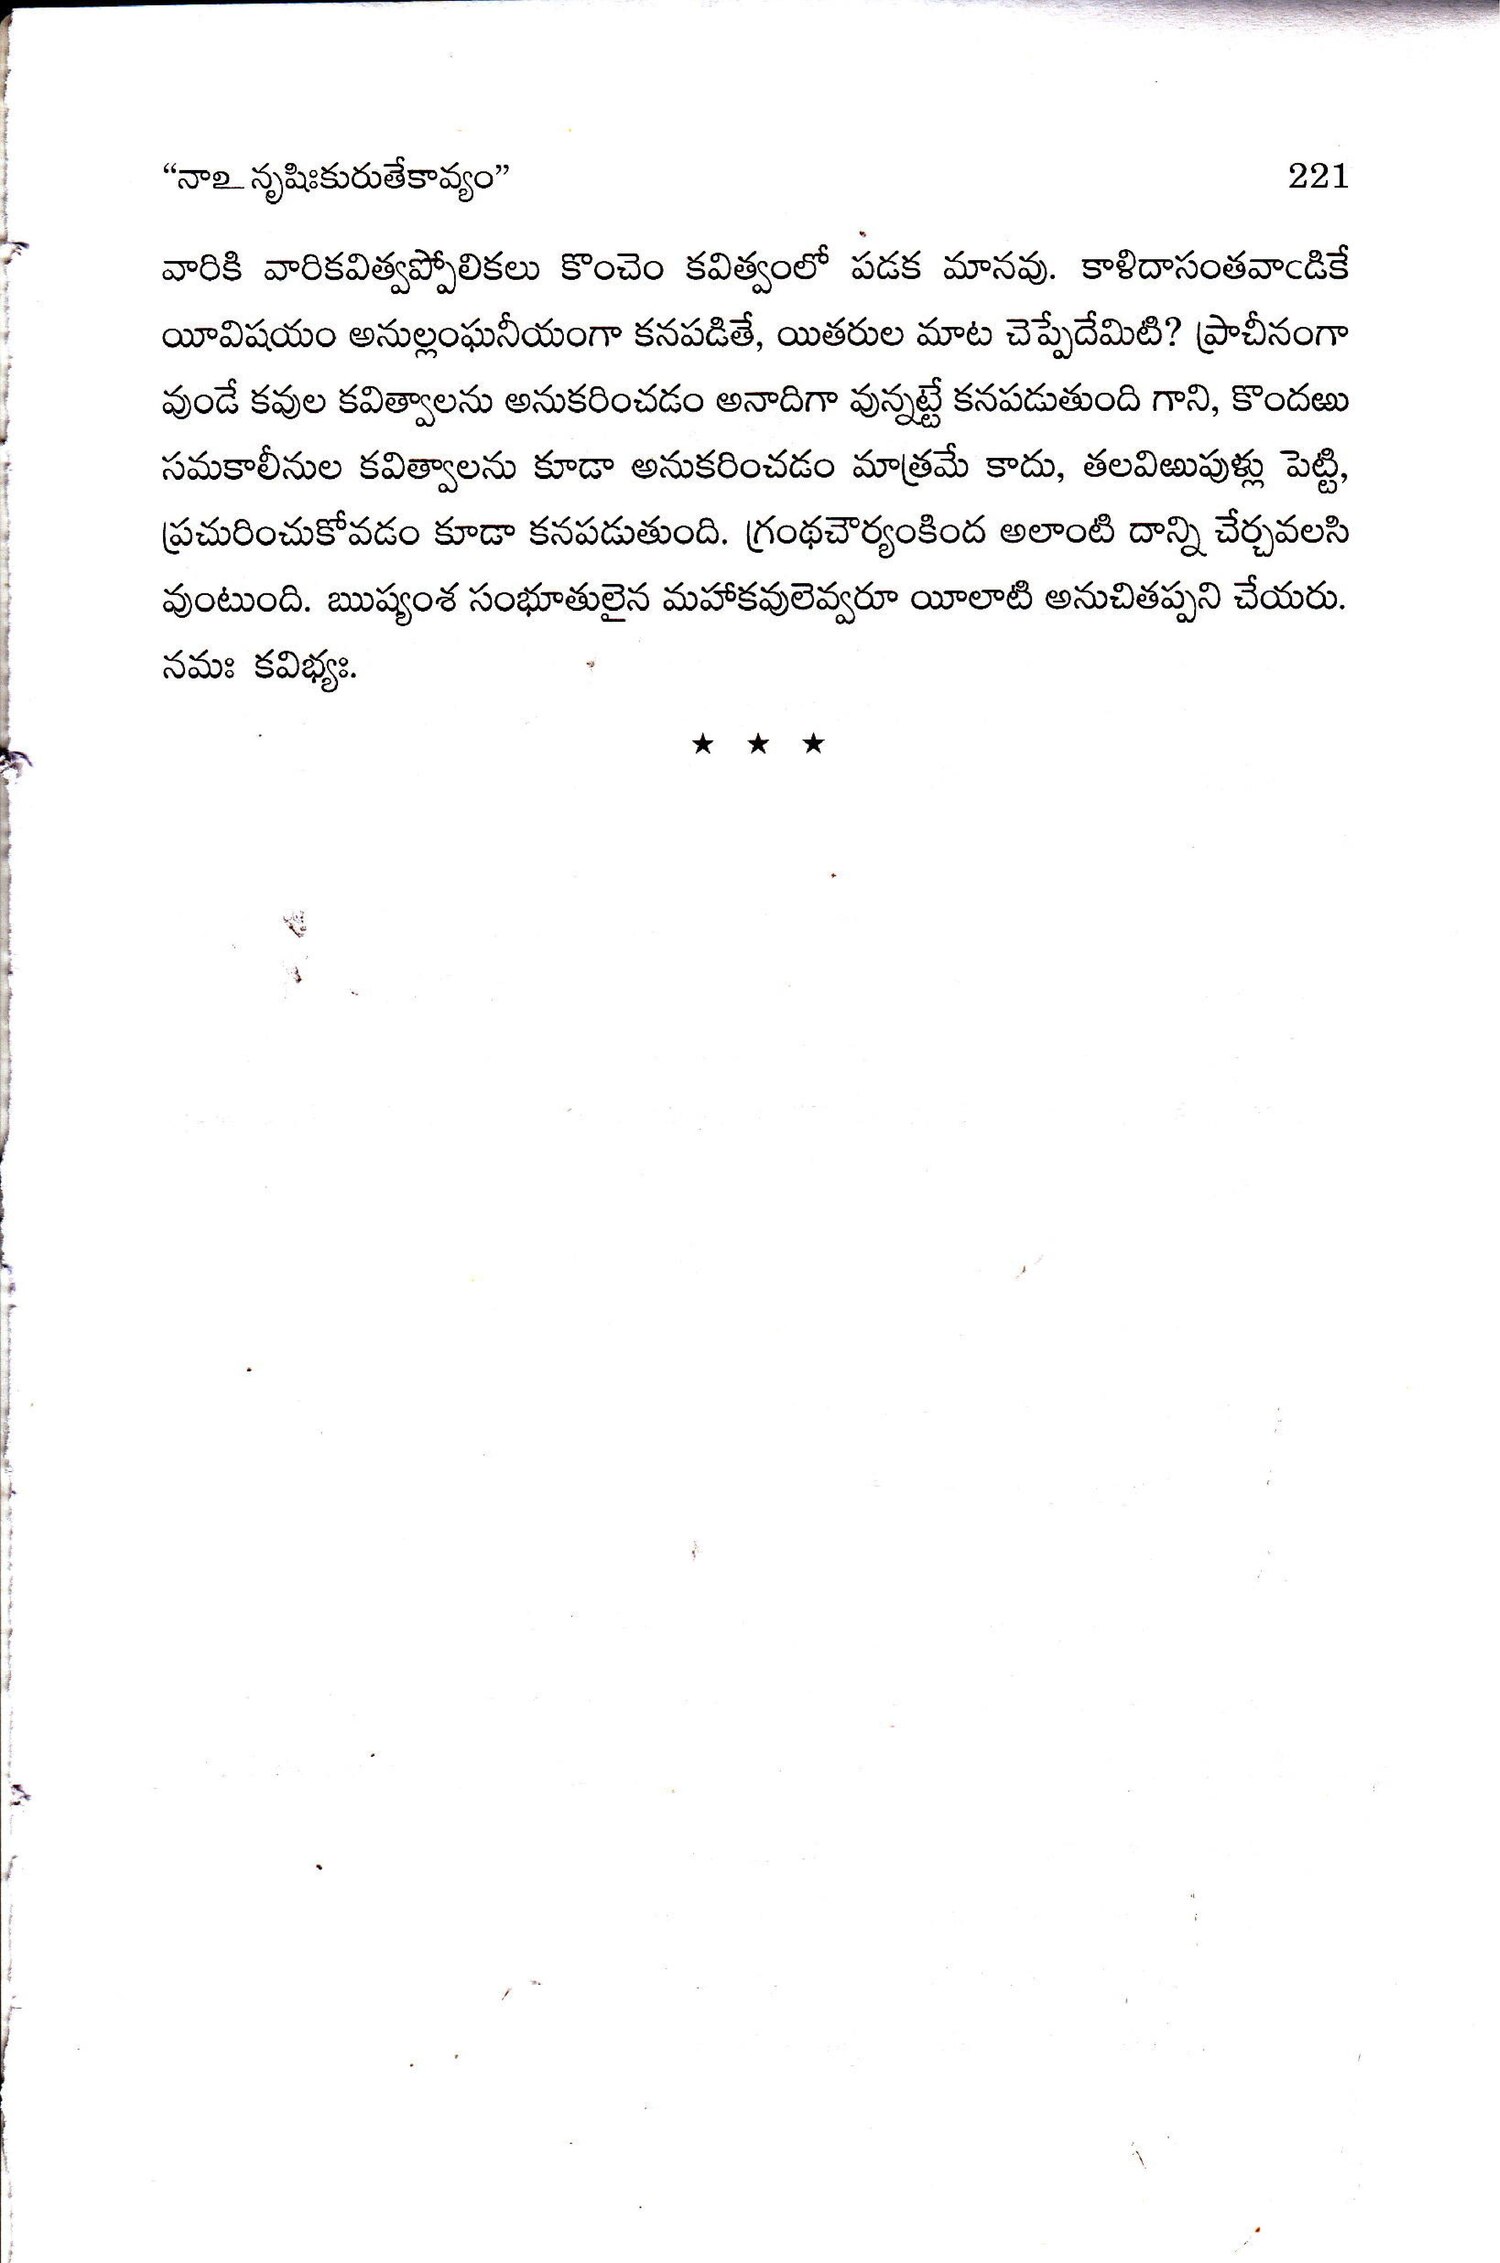వారికి వారికవిత్వప్పోలికలు కొంచెం కవిత్వంలో పడక మానవు. కాళిదాసంతవాఁడికే యీవిషయం అనుల్లంఘనీయంగా కనపడితే, యితరుల మాట చెప్పేదేమిటి? ప్రాచీనంగా వుండే కవుల కవిత్వాలను అనుకరించడం అనాదిగా వున్నట్టే కనపడుతుంది గాని, కొందఱు సమకాలీనుల కవిత్వాలను కూడా అనుకరించడం మాత్రమే కాదు, తలవిఱుపుళ్లు పెట్టి, ప్రచురించుకోవడం కూడా కనపడుతుంది. గ్రంథచౌర్యంకింద అలాంటి దాన్ని చేర్చవలసి వుంటుంది. ఋష్యంశ సంభూతులైన మహాకవులెవ్వరూ యీలాటి అనుచితప్పని చేయరు. నమః కవిభ్యః.